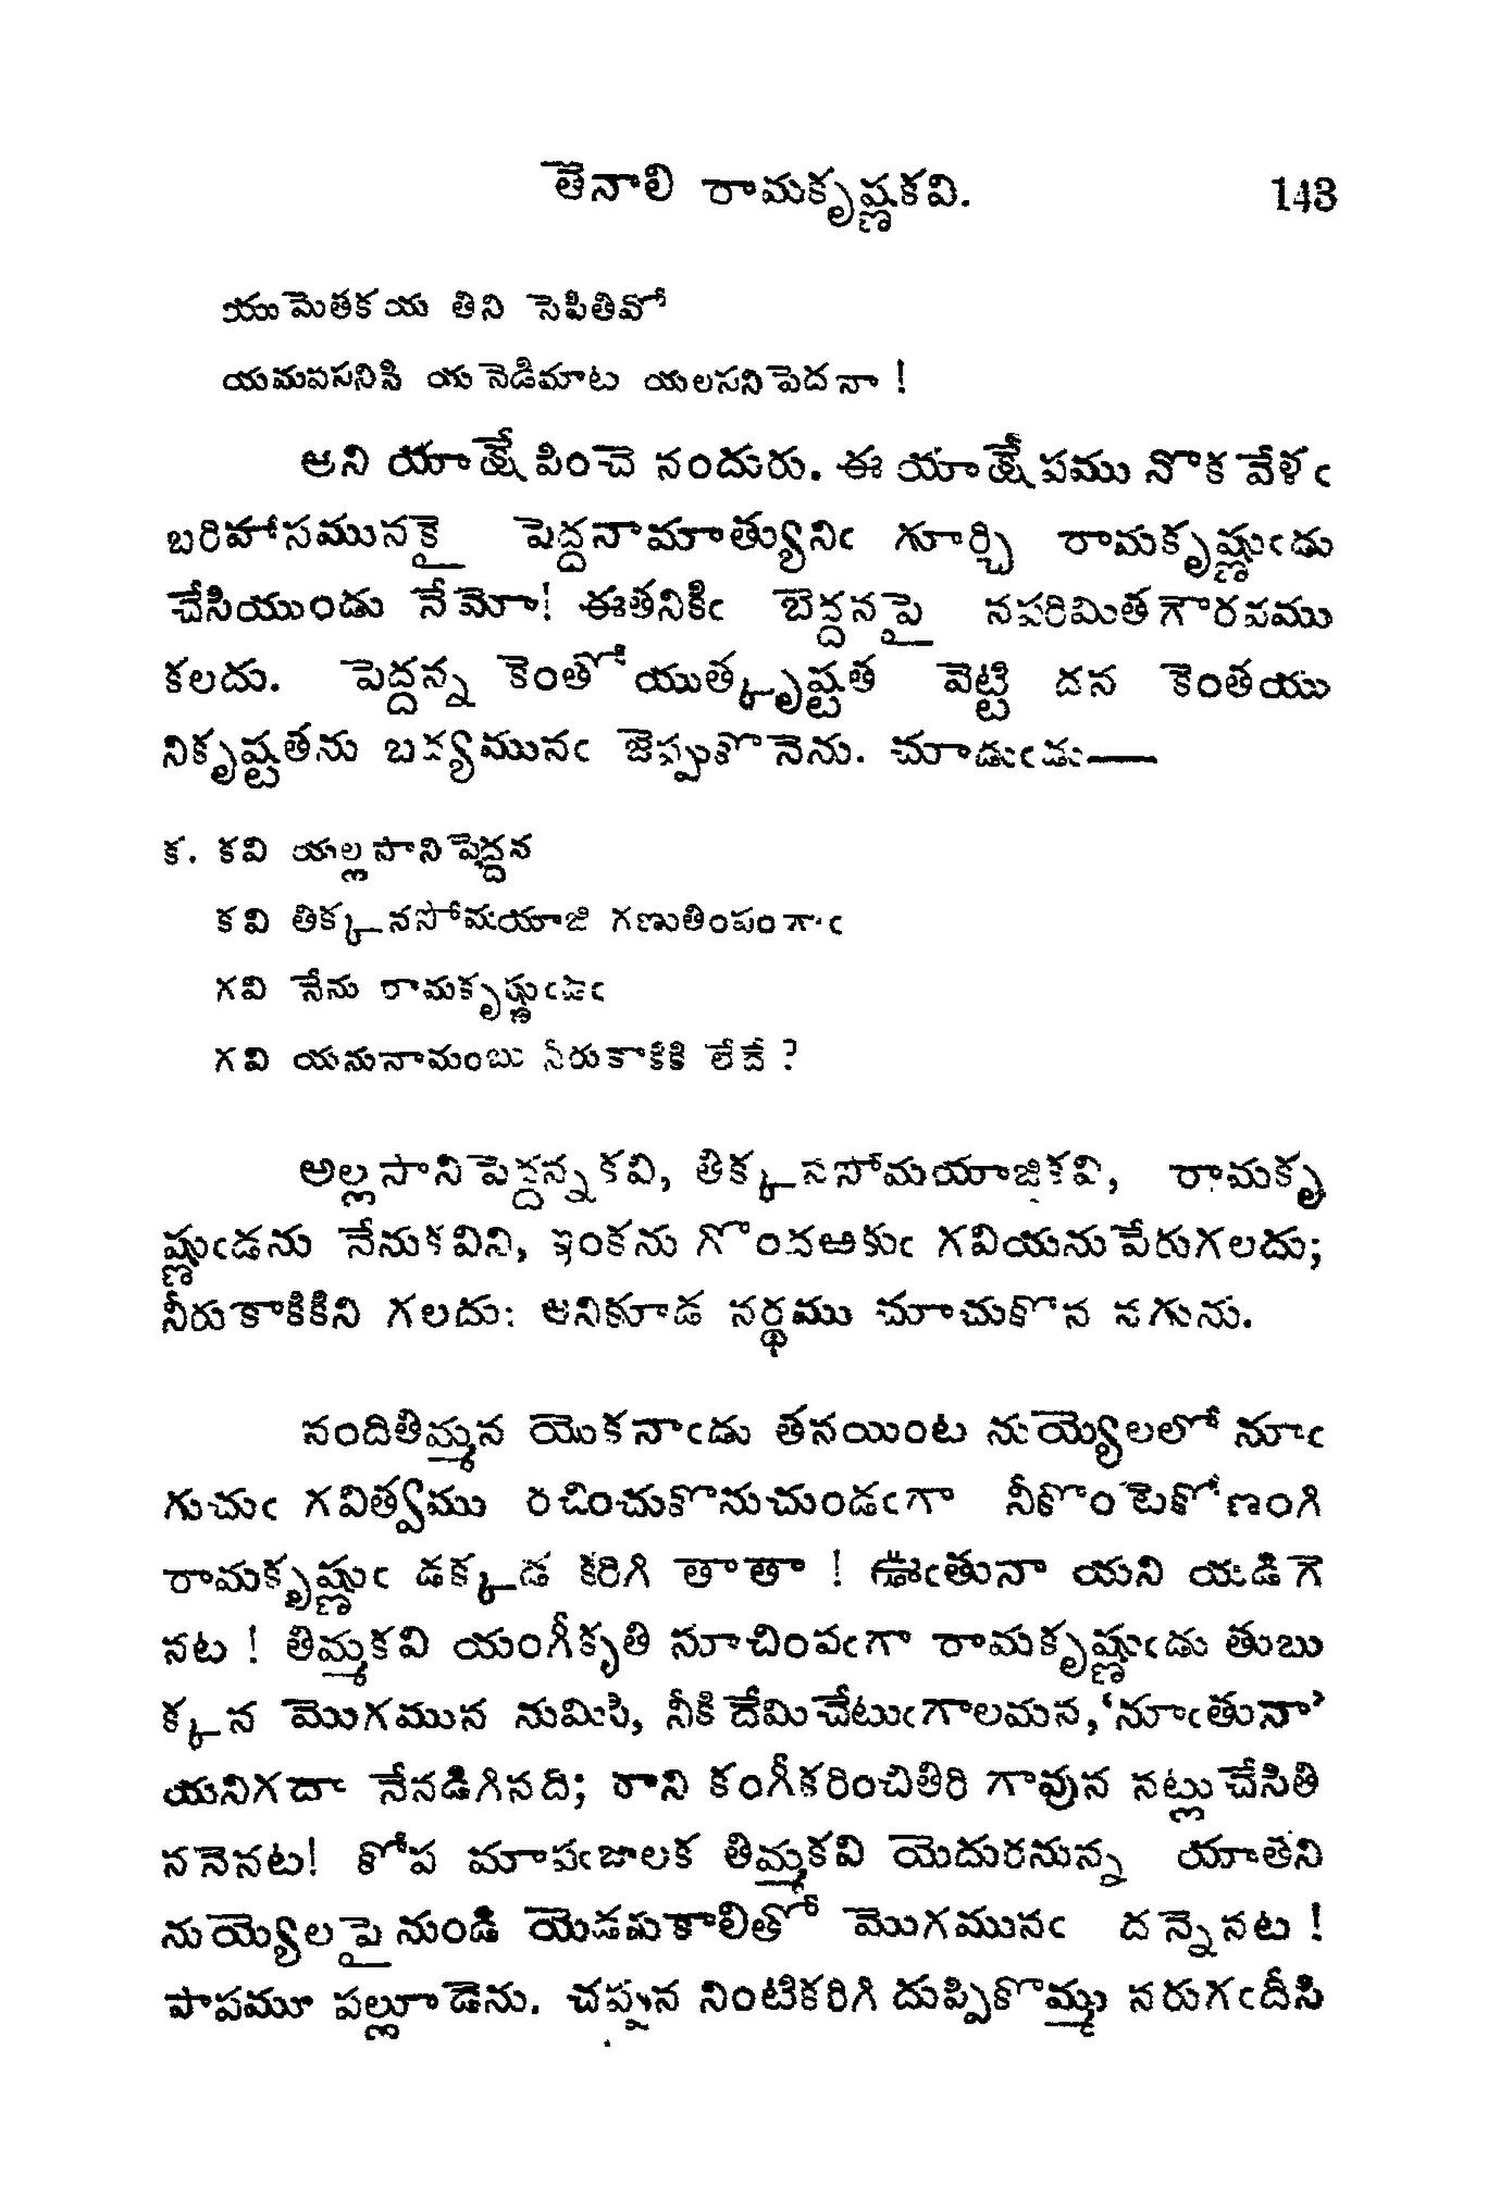యుమతకయ తిని సెపితివొ
 యమవసనిసి యనెడిమాట యలసనిపెదనా!
అని యాక్షేపించె నందురు. ఈయాక్షేపము నొకవేళఁ బరిహాసమునకై పెద్దనామాత్యునిఁ గూర్చి రామకృష్ణుఁడు చేసియుండునేమో! ఈతనికిఁ బెద్దనపై నపరిమితగౌరవము కలదు. పెద్దన్న కెంతోయుత్కృష్టత వెట్టి దనకెంతయు నిసృష్టతను బద్యమునఁ జెప్పుకొనెను—
క. కవి యల్లసానిపెద్దన
 కవి తిక్కనసోమయాజి గణుతింపంగాఁ
 గవి నేను రామకృష్ణుఁడఁ
 గవి యనునామంబు నీరుకాకికి లేదే?
అల్లసాని పెద్దన కవి, తిక్కన సోమయాజి కవి, రామకృష్ణుడను నేను కవిని, ఇంకను గొందఱకుఁ గవియనుపేరు గలదు, నీరుకాకికిని కలదు అనికూడ నర్థము చూచుకొన నగును.

నందితిమ్మన యొకనాఁడు తనయింట నుయ్యెలలో నూఁగుచుఁ గవిత్వము రచించుకొనుచుండఁగా నీకొంటెకోణంగి రామకృష్ణుఁ డక్కడ కరిగి ‘తాతా! ఊతునా’ యని యడిగెనట! తిమ్మకవి యంగీకృతి సూచింపఁగా రామకృష్ణుఁడు తుబుక్కన మొగమున నుమిసి, ‘నీకిదేమిచేటుఁగాల’మన ‘నూఁతునా యనిగదా నేనడిగినది; దాని కంగీకరించితిరి గావున నట్లు చేసితి’ ననెనఁట! కోప మాపఁజాలక తిమ్మకవి యెదురనున్న యాతని నుయ్యెలపైనుండి యెడమకాలితో మొగమునఁ దన్నెనఁట! పాపము పల్లూడెను. చప్పున నింటి కరిగిదుప్పికొమ్ము నరుగఁదీసి